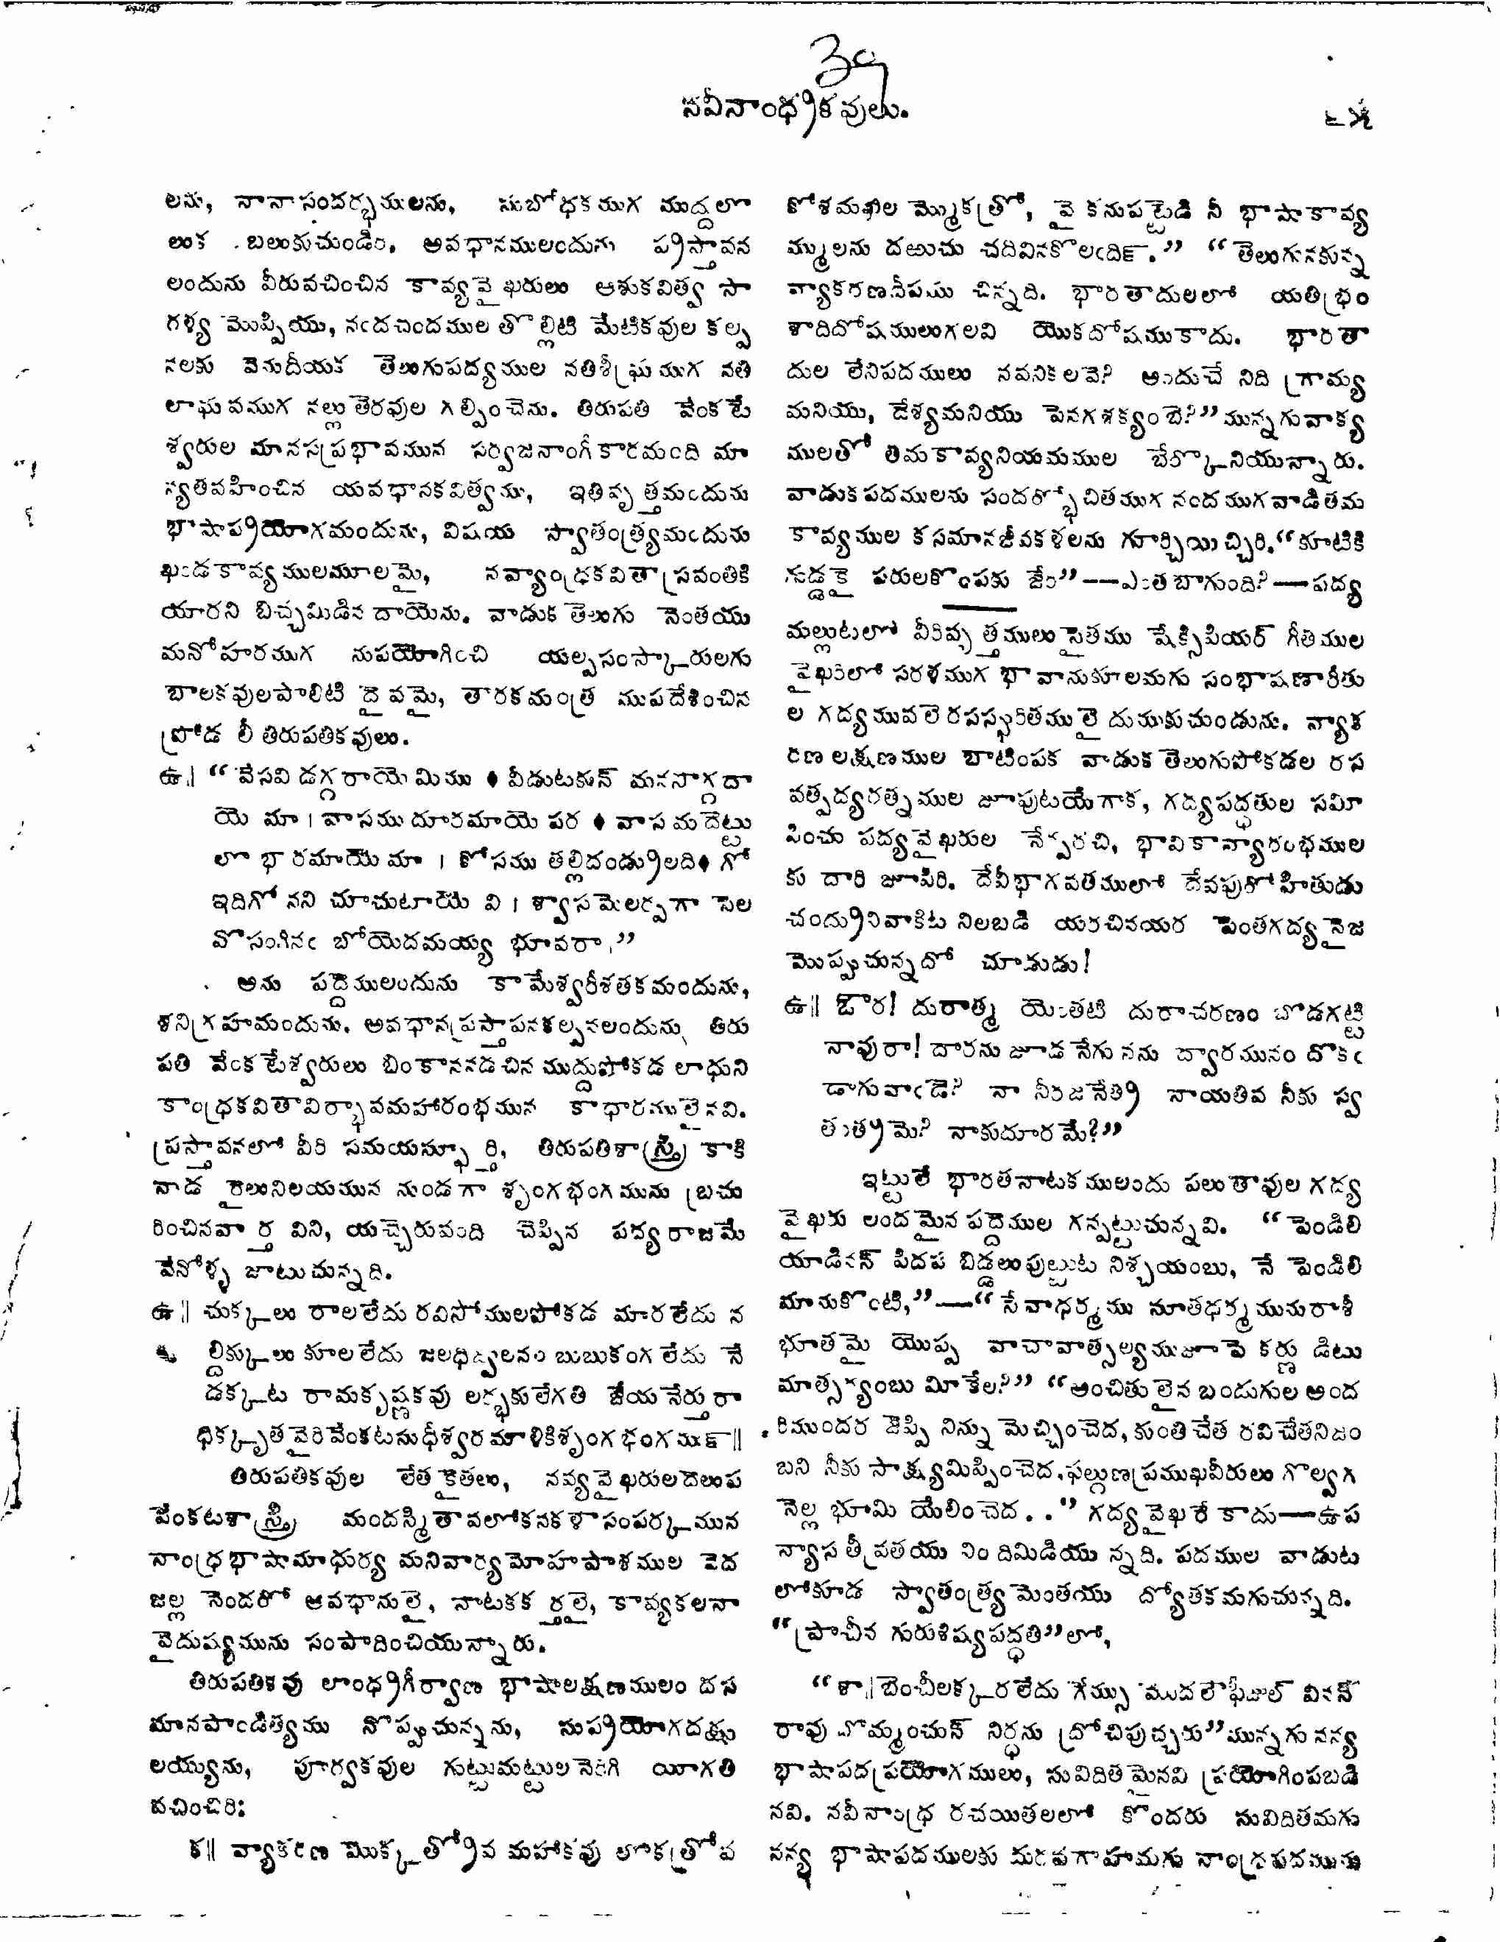లను, నానా సందర్భములను, సుబోధకముగ ముద్దలొలుక బలుకుచుండిరి. అవధానములందును ప్రస్తావనలందును వీరు వచించిన కావ్యవైఖరులు ఆశుకవిత్వ సాగళ్య మొప్పీయు, నందచందములు తొల్లిటి మేటికవుల కల్పనలకు వెనుదీయక తెలుగుపద్యములు నతిశీఘ్రముగ నతిలాఘవముగ నల్లు తెరవుల గిల్పించెను. తిరుపతి వేంకటేశ్వరుల మానసప్రభావమున సర్వజనాంగీకారమంది 
మాన్యతవహించిన యవధానకవిత్వము, ఇతివృత్తమఁదును, భాషాప్రయోగమందును, విషయ స్వాతంత్య్రమందును ఖండకావ్యముల మూలమై, నవ్యాంధ్రకవితా స్రవంతికియారని బిచ్చమిడిన దాయెను. వాడుక తెలుగు నెంతయు మనోహరముగ నుపయోగించి యల్ప సంస్కారులగు బాలకవులపాలిటి 'దైవమై, తారకమంత్ర ముపదేశించిన ప్రొడ లీతిరుపతికవులు.

ఉ| “వేసవి డగ్గ రాయె మిము ♦ వీడుటకున్ మనసొగ్గదా
 యె మా | వాసము దూరమాయె పర ♦ వాసమదేట్టు 
 లొ భారమాయె మా | కోసము తల్లిదండ్రులది ♦ గో
 ఇదిగో నని చూచుటాయె వి | శ్వాసమెలర్పగా సెల
 వొసంగినఁ బోయెదమయ్య భూవరా!” 

అను పద్దెములందును కామేశ్వరీశతకమందును, శనిగ్రహమందును, అవధానప్రస్తాపన కల్పనలందును తిరుపతి వేంకటేశ్వరులు బింకాననడచిన ముద్దుపోకడ లాధుని కాంధ్రకవితావిర్భావమహారంభమున కాధారములైనవి. ప్రస్తావనలో వీరి సమయస్ఫూర్తి, తిరుపతిశాస్త్రి కాకినాడ రైలునిలయమున నుండగా శృంగభంగమును బ్రచురించినవార్త విని, యచ్చెరువంది చెప్పిన పద్యరాజమే
వేనోళ్ళ జాటుచున్నది.

ఉ॥ చుక్కలు రాలలేదు రవిసోములపోకడ మారలేదు న
 ల్దిక్కులు కూలలేదు జలధిద్వలనం బుబుకం లేదు నే 
 డక్కట రామకృష్ణకవు లక్ష్భకులేగతి జేయనేర్తు రా 
 ధిక్కృత వైరి వేంకటసుధీశ్వరమాళికి శృంగభంగము౯ 

తిరుపతికవుల లేత కైతలు, నవ్య వైఖరుల దెలుప వెంకటశాస్త్రి మందస్మితావలోకనకళాసంపర్కమున నాంధ్రభాషామాధుర్యమనివార్య మోహపాశముల వెదజల్ల నెందరో ఆవధానులై, నాటకకర్తలై, కావ్యకలనా వైదుష్యమును సంపాదించియున్నారు. 

తిరుపతికవులు లాంధ్రగీర్వాణ భాషాలక్షణములం దసమానపాండిత్యము నొప్పుచున్నను, సుప్రయోగదక్షులయ్యును, పూర్వకవుల గుట్టుమట్టుల నెరిగి యీగతి వచించిరి:

క॥ వ్యాకరణ మొక్కతోవ మహాకవు లోకత్రోప కోశమఖల మ్మొకత్రో, వై కనుపట్టెడి నీ భాషాకావ్యమ్ములను దఱుచు చదివినకొలఁది౯”. 
“తెలుగునకున్న వ్యాకరణదీపసు చిన్నది. భారతాదులలో యతిభ్రంశాదిదోషములుగలవి యొకదోషము కాదు. భారతాదులలో లేని పదములు నవనీకలవె? అందుచే నిది గ్రామ్యమనియు, దేశ్యమనియు పెనగశక్యంబె?" మున్నగువాక్యములతో తమ కావ్యనియమముల బేర్కొనియున్నారు. వాడుక పదములను సందర్భోచితముగ నందముగువాడి తమకావ్యముల కసమానజీవకళలను గూర్చియిచ్చిరి. "కూటికి గుడ్డకై పరులకొంపకు జేం” ౼ ఎంత బాగుంది? ౼ పద్యమల్లుటలో వీరివృత్తములు సైతము షేక్స్పిపియర్ గీతముల వైఖరిలో సరళముగ భావానుకూలమగు సంభాషణారీతుల గద్యమువలె రపస్ఫురితములై దుముకుచుండును. వ్యాకరణ లక్షణములు బాటింపక వాడుక తెలుగుపోకడల రసవత్పద్యరత్నముల జూపుటయేగాక, గద్యపద్దతుల సమీపించు పద్యవైఖరుల నేర్పరచి, భావి కావ్యారంభములకు దారి జూపిరి. దేవీ భాగవతములో దేవపురోహితుడు చంద్రునివాకిట నిలబడి యరచినయర పెంతగద్యనైజ
మొప్పుచున్నదో చూడుడు!

ఉ॥ ఔర! దురాత్మ యెంతటి దురాచరణం బోడగట్టి
 నావురా! దారను జూడ నేగునను ద్వారమునం దొకఁ
 డాగువాఁడె? నా నీరజనేత్రి నాయతివ నీకు స్వ
 తంత్రమె? నాకుదూరమే? 

ఇట్టులే భారతనాటకములందు పలుతావుల గద్య వైఖరు లందమైన పద్దెముల గన్పట్టుచున్నవి. "పెండిలి యాడినన్' పిదప బిడ్డలు పుట్టుట నిశ్చయంబు, నే పెండిలి మానుకొంటి,”……… సేవాధర్మము నూతధర్మమునురాశీ భూతమై యొప్ప వాచావాత్సల్యముజూపె 
కర్ణు డిటు మాత్సర్యంబు మీ కేల?” “అంచితులైన బందుగుల అందరిముందర జెప్పి నిన్ను మెచ్చించెద, కుంతిచేత రవిచేతనిజం బని నీకు సాక్ష్యమిప్పించెద. ఫల్గుణ ప్రముఖవీరులు గొల్వగ నెల్ల భూమి యేలించెద.. ” గద్య వైఖరే కాదు —— ఉపన్యాస తీవ్రతయు నిందిమిడియున్నది. పదములు వాడుటలోకూడ స్వాతంత్య్ర మెంతయు ద్యోతకమగుచున్నది "ప్రాచీన గురుశిష్యపద్ధతి” లో.

"శా| బెంచీలక్కర లేదు 'గేమ్సు ముదలౌఫీజుల్ వినన్ రావు బొమ్మంచున్ నిర్ధను ద్రోచిపుచ్చరు" మున్నగు నన్య భాషాపద
ప్రయోగములు, సువిదితమైనవి ప్రయోగింపబడినవి. నవీనాంధ్ర రచయితలలో కొందరు సువిదితమగు వన్య భాషాపదములకు 
దురవగాహమగు నాంద్రపదమును